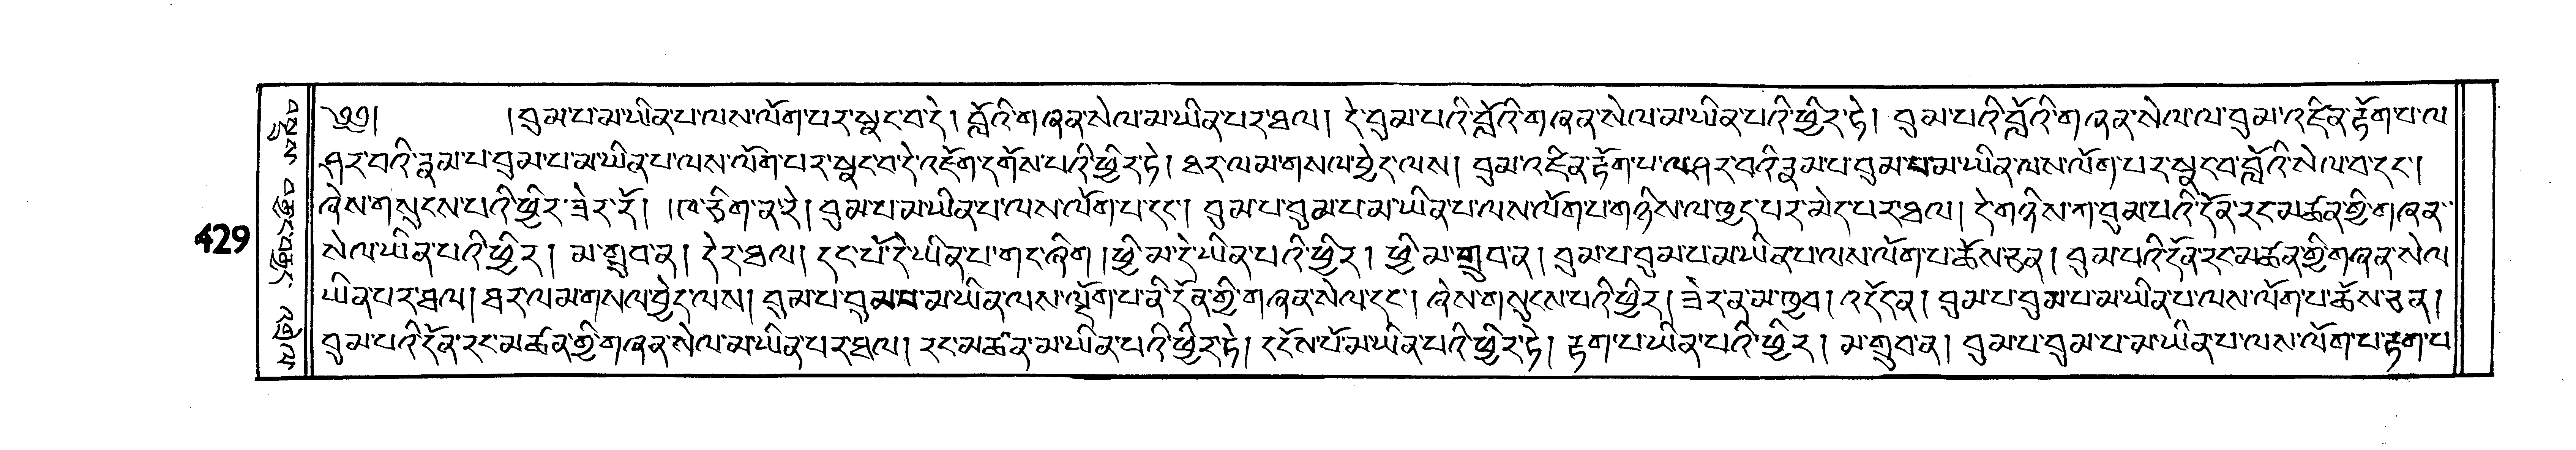༄༅། །བུམ་པ་མ་ཡིན་པ་ལས་ལོག་པར་སྣང་བ་དེ། བློའི་གཞན་སེལ་མ་ཡིན་པར་ཐལ། དེ་བུམ་པའི་བློའི་གཞན་སེལ་མ་ཡིན་པའི་ཕྱིར་ཏེ། བུམ་པའི་བློའི་གཞན་སེལ་ལ་བུམ་འཛིན་རྟོག་པ་ལ་
ཤར་བའི་རྣམ་པ་བུམ་པ་མ་ཡིན་པ་ལས་ལོག་པར་སྣང་བ་དེ་འཇོག་དགོས་པའི་ཕྱིར་ཏེ། ཐར་ལམ་གསལ་བྱེད་ལས། བུམ་འཛིན་རྟོག་པ་ལ་ཤར་བའི་རྣམ་པ་བུམ་པ་མ་ཡིན་ལས་ལོག་པར་སྣང་བ་བློའི་སེལ་བ་དང་།
ཞེས་གསུངས་པའི་ཕྱིར་ཟེར་རོ། །ཁ་ཅིག་ན་རེ། བུམ་པ་མ་ཡིན་ལས་ལོག་པ་དང་། བུམ་པ་བུམ་པ་མ་ཡིན་པ་ལས་ལོག་པ་གཉིས་ལ་ཁྱད་པར་མེད་པར་ཐལ། དེ་གཉིས་ཀ་བུམ་པའི་དོན་རང་མཚན་གྱི་གཞན་
སེལ་ཡིན་པའི་ཕྱིར། མ་གྲུབ་ན། དེར་ཐལ། དང་པོ་དེ་ཡིན་པ་གང་ཞིག། ཕི་མ་དེ་ཡིན་པའི་ཕྱིར། ཕྱི་མ་གྲུབ་ན། བུམ་པ་བུམ་པ་མ་ཡིན་པ་ལས་ལོག་པ་ཆོས་ཅན། བུམ་པའི་དོན་རང་མཚན་གྱི་གཞན་སེལ་
ཡིན་པར་ཐལ། ཐར་ལམ་གསལ་བྱེད་ལས། བུམ་པ་བུམ་པ་མ་ཡིན་ལས་ལྡོག་ཨ་ནི་དོན་གྱི་གཞན་སེལ་དང་། ཞེས་གསུངས་པའི་ཕྱིར། ཟེར་ན་མ་ཁྱབ། འདོད་ན། བུམ་པ་བུམ་པ་མ་ཡིན་པ་ལས་ལོག་པ་ཆོས་ཅན།
བུམ་པའི་དོན་རང་མཚན་གྱི་གཞན་སེལ་མ་ཡིན་པར་ཐལ་རང་མཚན་མ་ཨིན་པའི་ཕྱིར་ཏེ། དངོས་པོམ་ཡིན་པའི་ཕྱིར་ཏེ། རྟག་པ་ཡིན་པའི་ཕྱིར། མ་གྲུབ་ན། བུམ་པ་བུམ་པ་མ་ཡིན་པ་ལས་ལོག་པ་རྟག་པ་